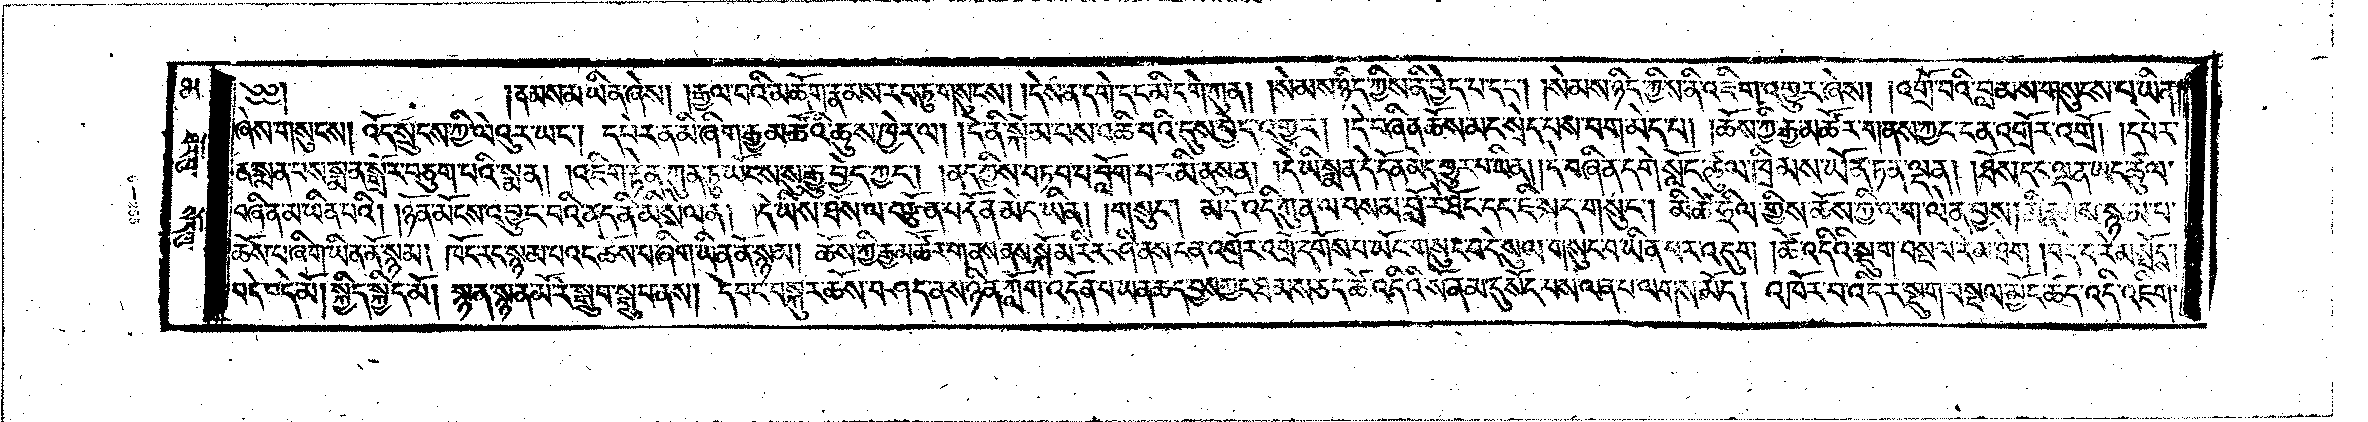༄༅། །ནམས་མ་ཡིན་ཞེས། །རྒྱལ་བའི་མཆོག་རྣམས་རབ་ཏུ་གསུངས། །དེས་ན་དགེ་དང་མི་དགེ་ཀུན། །སེམས་ཉིད་ཀྱིས་ནི་བྱེད་པ་དང་། །སེམས་ཉིད་ཀྱིས་ནི་འཇིག་འགྱུར་ཞེས། །འགྲོ་བའི་བླ་མས་གསུངས་པ་ཡིན།
ཞེས་གསུངས། འོད་སྲུངས་ཀྱི་ལེའུར་ཡང་། དཔེར་ན་མི་ཞིག་རྒྱ་མཚོའི་ཆུས་ཁྱེར་ལ། །དེ་ནི་སྐོམ་པས་འཆི་བའི་དུས་བྱེད་འགྱུར། །དེ་བཞིན་ཆོས་མང་སྲེད་པས་བག་མེད་པ། །ཆོས་ཀྱི་རྒྱ་མཚོར་གནས་ཀྱང་ངན་འགྲོར་འགྲོ། །དཔེར་
ན་སྨན་པས་སྨན་སྒྲོར་བཅུག་པའི་སྨན། །འཇིག་རྟེན་ཀུན་ཏུ་ཡོངས་སུ་རྒྱུ་བྱེད་ཀྱང་། །ནད་ཀྱིས་བཏབ་པ་བློག་པར་མི་ནུས་ན། །དེ་ཡི་སྨན་དེ་དོན་མེད་གྱུར་བ་ཡིན། །དེ་བཞིན་དགེ་སློང་ཚུལ་ཁྲིམས་ཡོན་ཏན་ལྡན། །ཐོས་དང་ལྡན་ཡང་ཚུལ་
བཞིན་མ་ཡིན་པའི། །ཉོན་མོངས་འབྱུང་བའི་ནང་ནི་མི་སེལ་ན། །དེ་ཡིས་ཐོས་ལ་བརྩོན་པ་དོན་མེད་ཡིན། །གསུང་། མདོ་འདི་ཀུན་ལ་བསམ་བློ་རེ་ཐོང་དང་ཇི་སྐད་གསུང་། མི་ཚེ་ཧྲིལ་གྱིས་ཆོས་ཀྱི་ལག་ལེན་བྱས། མི་རྣམས་སྙམ་པ་
ཆོས་པ་ཞིག་ཡིན་ནོ་སྙམ། ཁོང་རང་སྙམ་པའང་ཆོས་པ་ཞིག་ཡིན་ནོ་སྙམ། ཆོས་ཀྱི་རྒྱ་མཚོར་གནས་ནས་སྐོམ་རིར་ཤི་ནས་ངན་འགྲོར་འགྲོ་དགོས་པ་ཡོང་གསུང་བ་དེ་སུ་ལ་གསུང་བ་ཡིན་པར་འདུག །ཚེ་འདིའི་སྡུག་བསྔལ་རེ་མ་ཐེག །བདེ་བ་རེ་མ་སྤོངས་
བདེ་བདེ་མོ། སྐྱིད་སྐྱིད་མོ། སྙན་སྙན་མོ་རེ་སྒྲུབ་སྒྲུབ་ནས། དབང་བསྐུར་ཆོས་བཤད་ནས་ཉིན་ཀློག་འདོན་པ་ཡན་ཆད་བྱས་ཀྱང་ཐམས་ཅད་ཚེ་འདིའི་སོ་ནམ་དུ་སོང་བས་ལན་པ་ལགས་མོད། འཁོར་བ་འདིར་སྡུག་བསྔལ་མྱོང་ཚད་འདི་འཇིག་